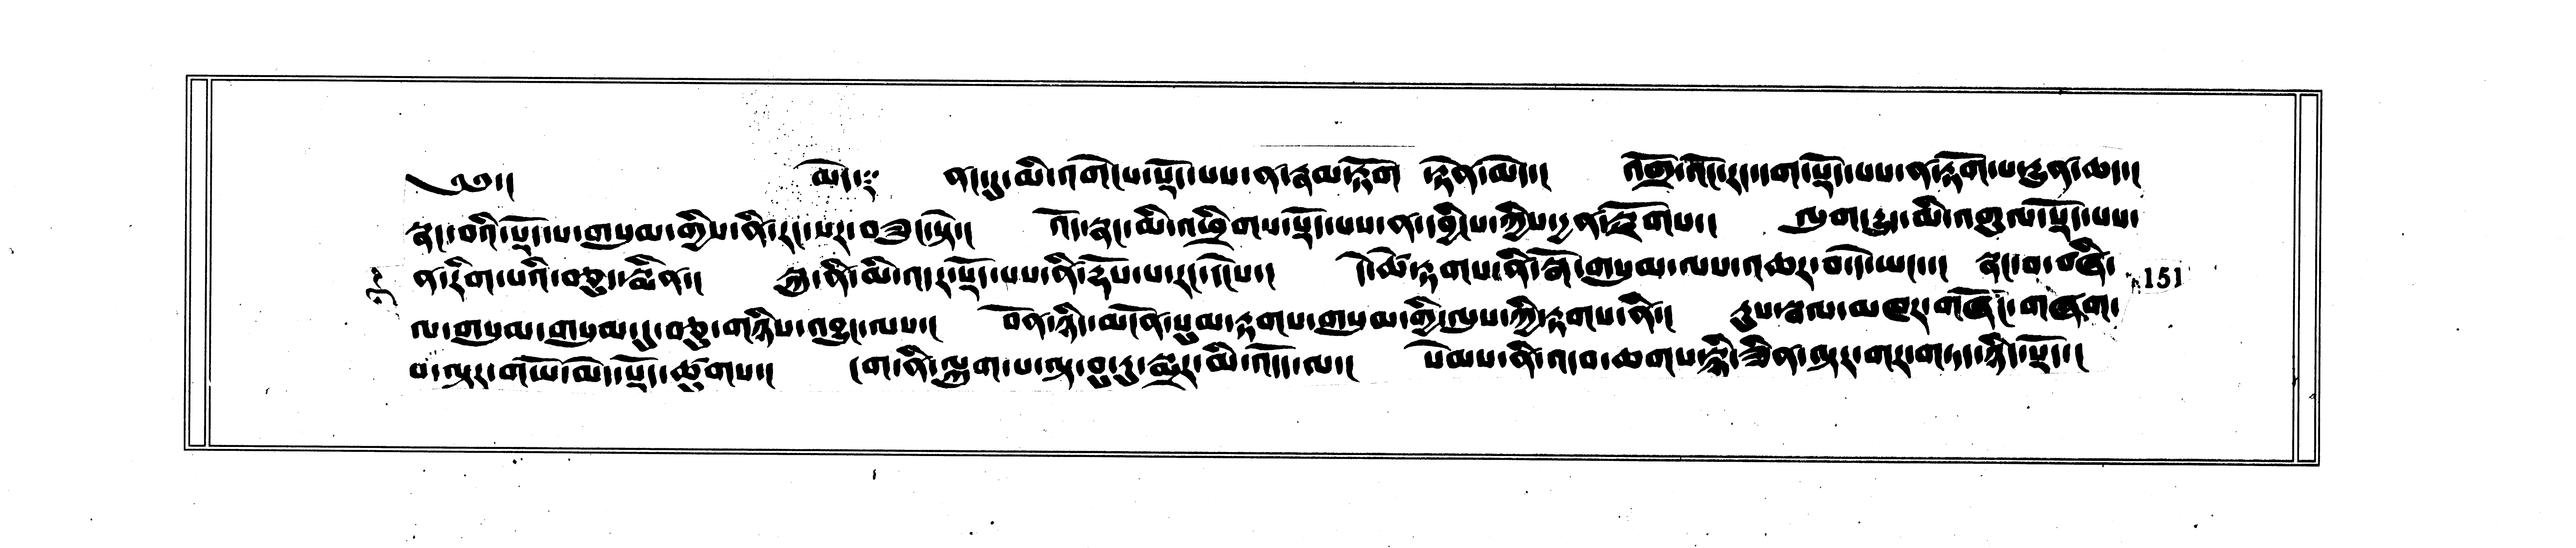མེད། །ནང་དུ་མི་འགེང་སྡོད་པས་ན་རྣམ་རྟོག་རྟེན་མེད། །འགྲོ་འོང་རང་དག་སྡོད་པས་ན་རྟོག་པ་རྒྱུན་ཆད། །
སྣང་བའི་སྡོད་པ་གསུམ་གྱིས་ནི་རང་སར་བཟུང་སྟེ། །འོད་སྣང་མི་འཕྲིགས་སྡོད་པས་ན་དབྱིངས་ཀྱི་རྒྱན་རྫོགས། །ལུག་རྒྱུད་མི་འགུལ་སྡོད་པས་
ན་རིག་པའི་བཅུད་སྨིན། །སྐུ་ནི་མི་འདར་སྡོད་པས་ནི་རྡོས་པ་རང་དེངས། །དེ་ཚེ་རྟགས་ནི་སྒོ་གསུམ་ལས་འཆར་བ་དེ་ཡངས། །སྣང་བ་བཞི་
ལ་གསུམ་གསུམ་དུ་བཅུ་གཉིས་འབྱུང་ལས། །བོན་ཉིད་མངོན་སུམ་རྟགས་གསུམ་གྱི་ལུས་ཀྱི་རྟགས་ནི། །རུས་སྦལ་འཁར་གཞོང་བཞག་
པ་ལྟར་གཡོ་མེད་སྡོད་ཚུགས། །ངག་ནི་ལྐུགས་པ་ལྟ་བུ་རུ་སྨྲར་མི་འདོད་ལ། །སེམས་ནི་འདབ་ཆགས་རྙི་ཟིན་ལྟར་གར་གཏད་ཉིད་སྡོད། །